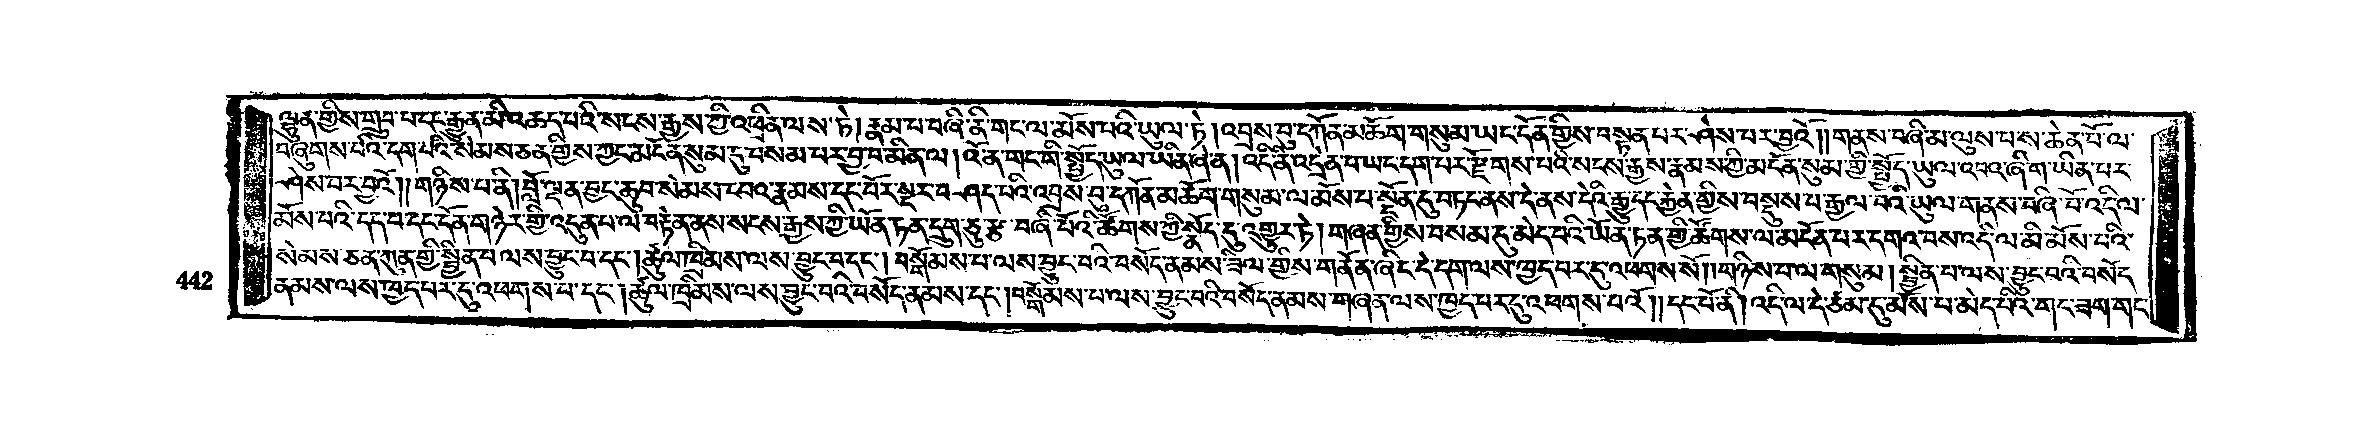ལྷུན་གྱིས་གྲུབ་པ་དང་རྒྱུན་མི་འཆད་པའི་སངས་རྒྱས་ཀྱི་ཕྲིན་ལས་ཏེ། རྣམ་པ་བཞི་ནི་གང་ལ་མོས་པའི་ཡུལ་ཏེ། འབྲས་བུ་དཀོན་མཆོག་གསུམ་ཡང་དོན་གྱིས་བསྟན་པར་ཤེས་པར་བྱའོ། །གནས་བཞི་མ་ལུས་པ་ས་ཆེ་པོ་ལ་
བཞུགས་པའི་དག་པའི་སེམས་ཅན་གྱིས་ཀྱང་མངོན་སུམ་དུ་བསམ་པར་བྱ་བ་མིན་ལ། འོ་ན་གང་གི་སྤྱོད་ཡུལ་ཡིན་ཞེ་ན། འདི་ནི་འདྲེན་པ་ཡང་དག་པར་རྫོགས་པའི་སངས་རྒྱས་རྣམས་ཀྱི་མངོན་སུམ་གྱི་སྤྱོད་ཡུལ་འབའ་ཞིག་ཡིན་པར་
ཤེས་པར་བྱའོ། །གཉིས་པ་ནི། བློ་ལྡན་བྱང་ཆུབ་སེམས་དཔའ་རྣམས་དང་པོར་སྔར་བཤད་པའི་འབྲས་བུ་དཀོན་མཆོག་གསུམ་ལ་མོས་པ་སྔོན་དུ་བཏང་ནས་དེ་ནས་དེའི་རྒྱུ་དང་རྐྱེན་གྱིས་བསྡུས་པ་རྒྱལ་བའི་ཡུལ་གནས་བཞི་པོ་འདི་ལ་
མོས་པའི་དད་པ་དང་དོན་གཉེར་གྱི་འདུན་པ་ལ་བརྟེན་ནས་སངས་རྒྱས་ཀྱི་ཡོན་ཏན་དྲུག་ཅུ་རྩ་བཞི་པོའི་ཚོགས་ཀྱི་སྣོད་དུ་འགྱུར་ཏེ། གཞན་གྱིས་བསམ་དུ་མེད་པའི་ཡོན་ཏན་གྱི་ཚོན་ལ་མངོན་པར་དགའ་བས་འདི་ལ་མི་མོས་པའི་
སེམས་ཅན་ཀུན་གྱི་སྦྱིན་པ་ལས་བྱུང་བ་དང་། ཚུལ་ཁྲིམས་ལས་བྱུང་བ་དང་། བསྒོམས་པ་ལས་བྱུང་བའི་བསོད་ནམས་ཟིལ་གྱིས་གནོན་ཞིང་དེ་དག་ལས་ཁྱད་པར་དུ་འཕགས་སོ། །གཉིས་པ་ལ་གསུམ། སྦྱིན་པ་ལས་བྱུང་བའི་བསོད་
ནམས་ལས་ཁྱད་པར་དུ་འཕགས་པ་དང་། ཚུལ་ཁྲིམས་ལས་བྱུང་བའི་བསོད་ནམས་དང་། བསྒོམས་པ་ལས་བྱུང་བའི་བསོད་ནམས་གཞན་ལས་ཁྱད་པར་དུ་འཕགས་པའོ། །དང་པོ་ནི། འདི་ལ་དེ་ཙམ་དུ་མོས་པ་མེད་པའི་གང་ཟག་གང་